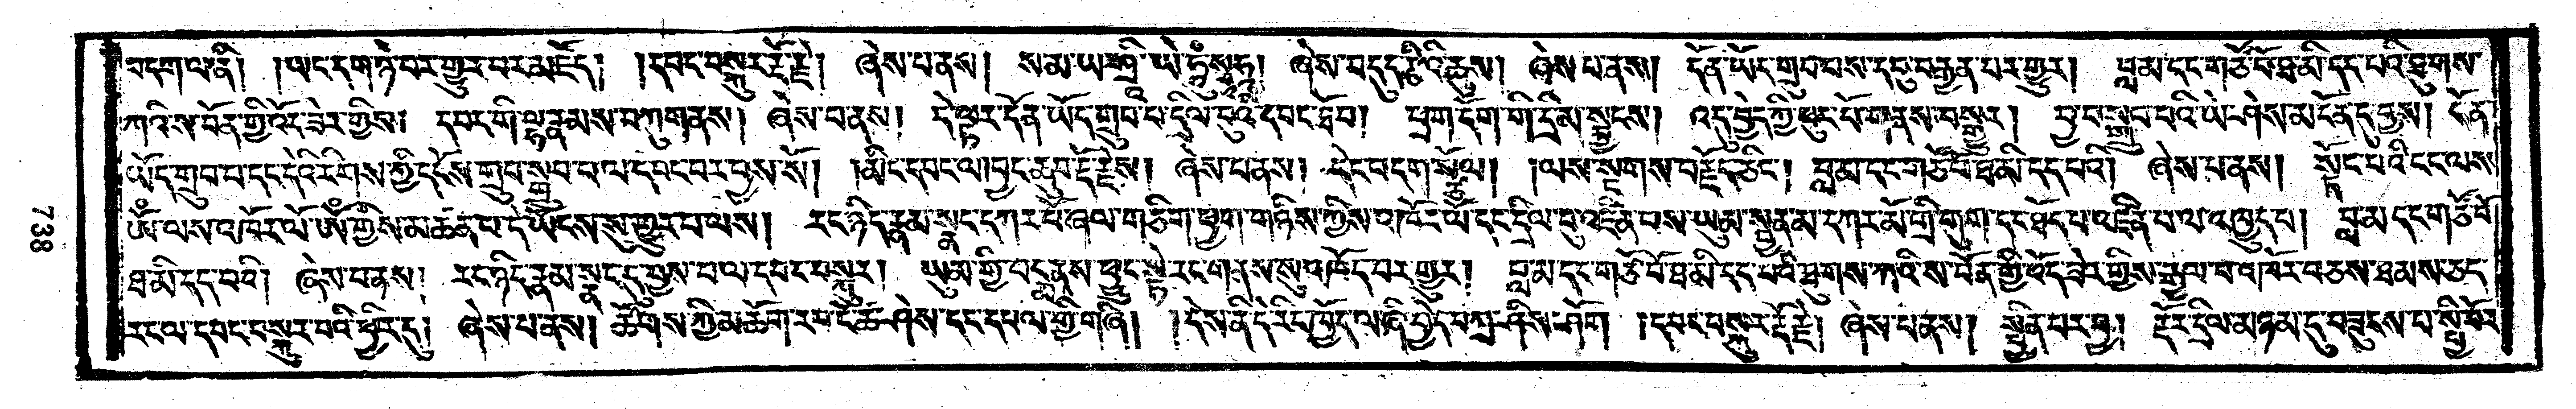བདག་ལ་ནི། །ཡང་དག་ཉེ་བར་གྱུར་བར་མཛོད། །དབང་བསྐུར་རྡོ་རྗེ། ཞེས་པ་ནས། ས་མ་ཡ་ཤྲཱི་ཡེ་ཧཱུཾ་སྭཱཧཱ། ཞེས་བདུད་རྩིའི་ཆུས། ཞེས་པ་ནས། དོན་ཡོད་གྲུབ་པས་དབུ་བརྒྱན་པར་གྱུར། བླ་མ་དང་གཙོ་བོ་ཐ་མི་དད་པའི་ཐུགས་
ཀའི་ས་བོན་གྱི་འོད་ཟེར་གྱིས། དབང་གི་ལྷ་རྣམས་བཀུག་ནས། ཞེས་པ་ནས། དེ་ལྟར་དོན་ཡོད་གྲུབ་པ་དྲིལ་བུའི་དབང་ཐོབ། ཕྲག་དོག་གི་དྲི་མ་སྦྱངས། འདུ་བྱེད་ཀྱི་ཕུང་པོ་གནས་བསྒྱུར། བྱ་བ་སྒྲུབ་པའི་ཡེ་ཤེས་མངོན་དུ་བྱས། དོན་
ཡོད་གྲུབ་པ་དང་དེའི་རིགས་ཀྱི་དངོས་གྲུབ་སྒྲུབ་པ་ལ་དབང་བར་བྱས་སོ། །མིང་དབང་ལ། བྱང་ཆུབ་རྡོ་རྗེས། ཞེས་པ་ནས། དེང་བདག་སྩོལ། །ལས་སྔགས་བརྗོད་ཅིང་། བླ་མ་དང་གཙོ་བོ་ཐ་མི་དད་པའི། །ཞེས་པ་ནས། སྟོང་པའི་ངང་ལས་
ཨོཾ་ལས་འཁོར་ལོ་ཨོཾ་གྱིས་མཚན་པ་དེ་ཡོངས་སུ་གྱུར་པ་ལས། རང་ཉིད་རྣམ་སྣང་དཀར་པོ་ཞལ་གཅིག་ཕྱག་གཉིས་ཀྱིས་འཁོར་ལོ་དང་དྲིལ་བུ་འཛིན་པས་ཡུམ་སྦྱན་མ་དཀར་མོ་གྲི་གུག་དང་ཐོད་པ་འཛིན་པ་ལ་འཁྱུད་པ། བླ་མ་དང་གཙོ་བོ་
ཐ་མི་དད་བའི། ཞེས་པ་ནས། རང་ཉིད་རྣམ་སྣང་དུ་བྱས་བ་ལ་དབང་བསྐུར། ཡུམ་གྱི་པདམ་ནས་ཕྱུང་སྟེ་རང་གནས་སུ་འཁོད་པར་གྱུར། བླ་མ་དང་གཙོ་བོ་ཐ་མི་དད་པའི་ཐུགས་ཀའི་ས་བོན་གྱི་འོད་ཟེར་གྱིས་རྒྱལ་བ་འཁོར་བཅས་ཐམས་ཅད་
རང་ལ་དབང་བསྐུར་བའི་ཕྱིར་དུ། ཞེས་པ་ནས། ཚོགས་ཀྱི་མཆོག་རབ་ངོ་ཚ་ཤེས་དང་དཔལ་གྱི་གཞི། །དེས་ནི་དེ་རིང་ཁྱོད་ལ་ཞི་བྱེད་བཀྲ་ཤིས་ཤོག །དབང་བསྐུར་རྡོ་རྗེ། ཞེས་པ་ནས། སྤྱིན་པར་བྱ། རྡོར་དྲིལ་མཉམ་དུ་བཟུངས་པ་སྤྱི་བོར་